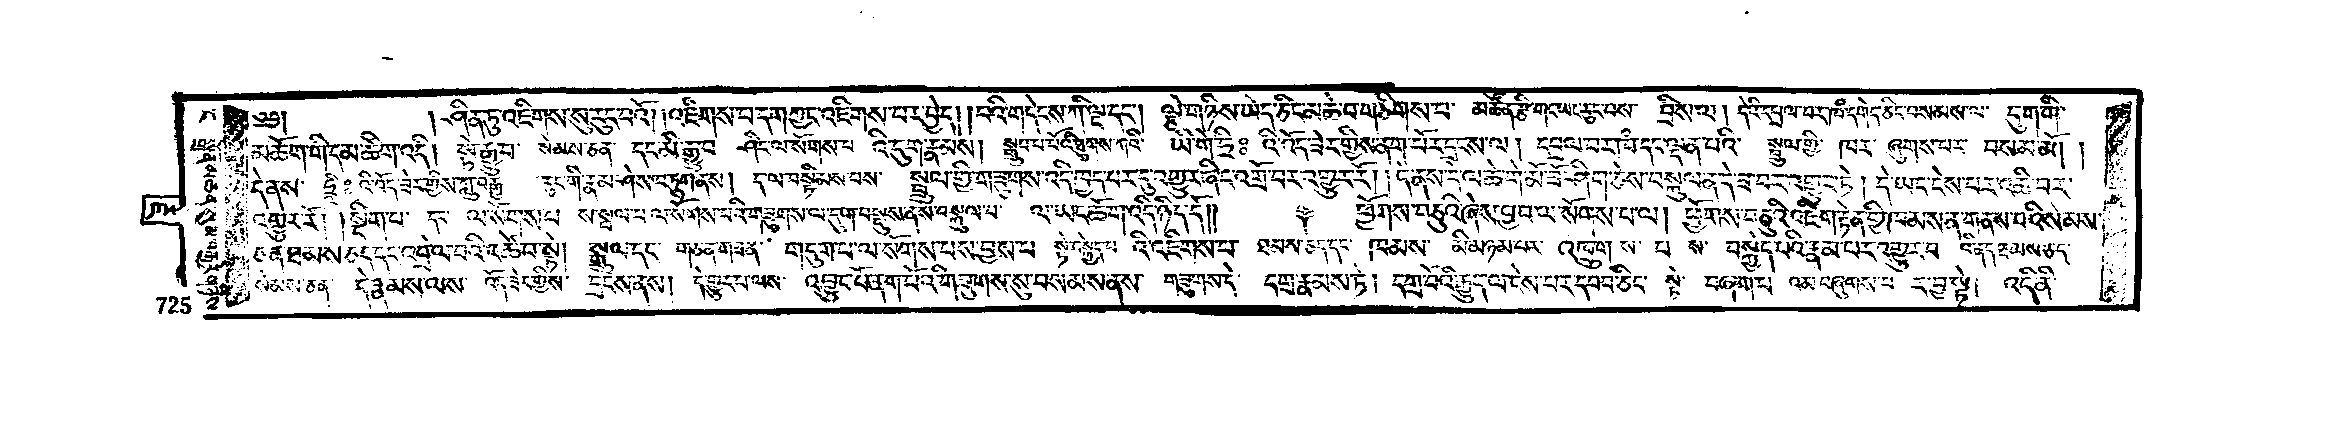༄༅། །ཤིན་ཏུ་འཇིགས་སུ་རུང་བའོ། །འཇིགས་པ་དག་ཀྱང་འཇིགས་པར་བྱེད། །པའི་གདེངས་ཀ་ལྔ་དང་། ལྕེ་གཉིས་ཡོད་ཅིང་མཆེ་བ་གཅིགས་པ་མཚོན་རྩི་གང་ཡང་རུང་བས་བྲིས་ལ། དེའི་དཔྲལ་བར་ཁཾ་དགོད་ཅིང་བསམས་ལ་དུག་གི་
མཆོག་གི་དམ་ཚིག་འདི། སྟེ་རྒྱུ་བ་སེམས་ཅན་དང་མི་རྒྱུ་བ་ཤིང་ལ་སོགས་པ་འི་དུག་རྣམས། སྒྲུབ་པ་པོའི་ཐུགས་ཀའི་ཡི་གེ་ཧྲིཿ འི་འོད་ཟེར་གྱིས་ནག་པོར་དྲངས་ལ། དབྲལ་བར་ཁཾ་དང་ལྡན་པའི་སྦྲུལ་གྱི་ཁར་ཞུགས་པར་བསམ་མོ། །
དེ་ནས་ཧྲཱིཿ འི་འོད་ཟེར་གྱིས་ཀླུ་བརྒྱད་གང་རུང་གི་རྣམ་ཤེས་བཀུག་ནས། དེ་ལ་བསྟིམས་པས་སྤྲུལ་གྱི་གཟུགས་འདི་ཁྱད་པར་དུ་འགྱུར་ཞིང་འགྲོ་བར་འགྱུར་རོ། །དེ་ནས་དེ་ལ་ཆེ་གེ་མོ་ཟོ་ཤིག་ཅེས་བསྐུལ་ན་དེ་ཟ་བར་འགྱུར་ཏེ། དེ་ཡང་ངེས་པར་འཆི་བར་
འགྱུར་རོ། །སྡིག་པ་དང་ལ་སོགས་པ་ས་སྦལ་པ་ལ་སོགས་པའི་གཟུགས་ལ་དུག་བསྡུས་ནས་བསྐུལ་པ་ལ་ཡང་ཆོ་ག་འདི་ཉིད་དོ།། ༈ ཕྱོགས་བཅུའི་ཞེས་བྱ་བ་ལ་སོགས་པ་ལ། ཕྱོགས་བཅུའི་འཇིག་རྟེན་གྱི་ཁམས་ན་གནས་པའི་སེམས་
ཅན་ཐམས་ཅད་དང་འབྲེལ་བའི་འཚེ་བ་སྟེ། སྦྲུལ་དང་གཅན་གཟན་གདུག་པ་ལ་སོགས་པས་བྱས་པ་སྟེ་བསྐྱེད་པ་འི་འཇིགས་པ་ཐམས་ཅད་དང་ཁམས་མི་མཉམ་པར་འཁྲུགས་པ་ས་བསྐྱེད་པའི་རྣམ་པར་འགྱུར་པ་འི་ནད་ཐམས་ཅད་
སེམས་ཅན་དེ་རྣམས་ལས་འོད་ཟེར་གྱིས་དྲངས་ནས། དེ་གྱུར་པ་ལས་འབྱུང་པོ་ནག་པོའི་གཟུགས་སུ་བསམས་ནས་གཟུགས་དེ་དགྲ་རྣམས་ཏེ། དགྲ་བོའི་རྒྱུད་ལ་ངེས་པར་དབབ་ཅིང་སྟེ་བཞག་པ་འམ་བཞུགས་པ་ར་བྱ་སྟེ། འདི་ནི་